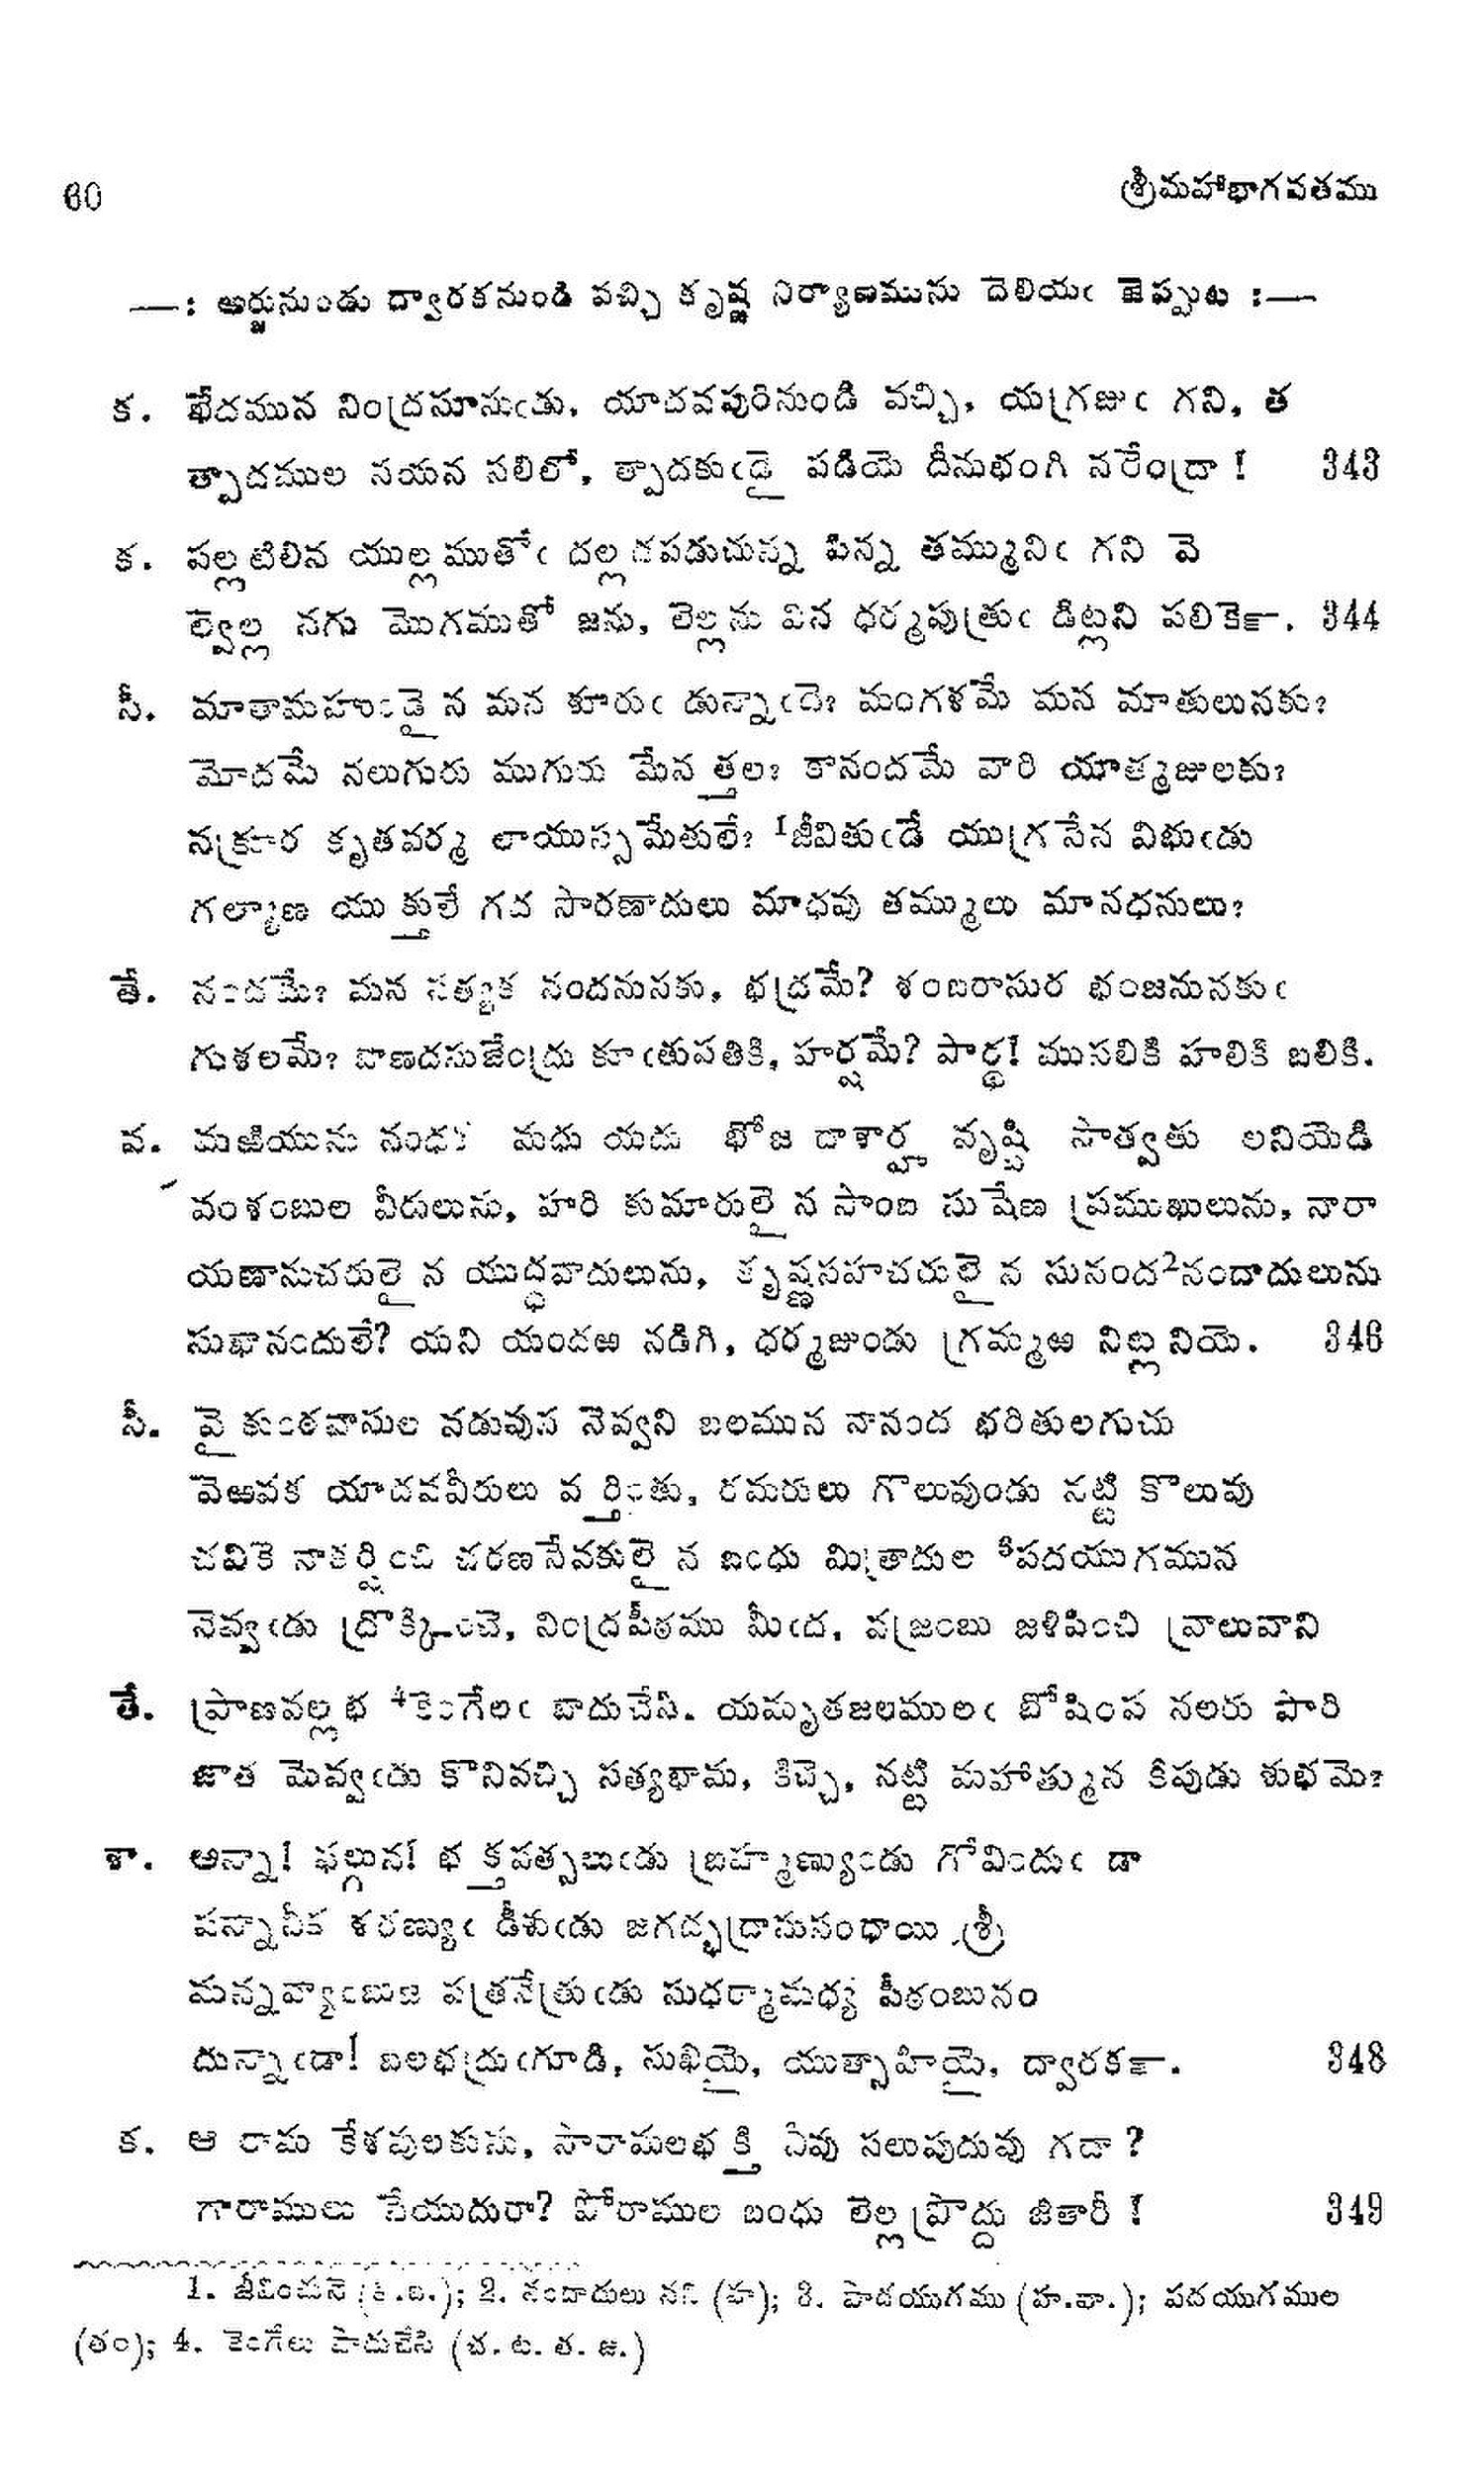60

క. భేదమున నింద్రసూనుడుఁ, యాదవపురినుండి వచ్చి, యగ్రజుఁ, గని, త

త్పాదముల నయన సలిలో, త్పాదకుడై పడియె దీనుభంగి నరేంద్రా ! (343)

క. పల్లటిలిన యుల్లముతోఁ దల్లడపడుచున్న పిన్న తమ్మునిఁ గని వె

ల్వెల్ల నగు మొగముతో జని, లెల్లన విన ధర్మపుత్రుఁ డిట్లని పలికెన్. (344)

సీ. మాతామహుండైన మన శూరఁ డన్నాఁడె ? మంగళంమే మన మాతులునకు ?

మోదమే నలుగురు ముగురు మేనత్తల ? కానందమే వారి యాత్మజులకు ?

నక్రూర కృతవర్మ లాయుస్స మేతులే ? జీవితుఁడే యుగ్రసేన విభుఁడు

గల్యాణ యుక్తులే గద సారణాదులు మాధవు తమ్ములు మానధనులు ?

తే. నందమే? మన సత్యక నందనునకు, భద్రమే ? శంబరాసుర భంజనునకుఁ 

గుశలమే? బాణాదనుజేంద్రు కూఁతుపతికి, హర్షమే? పార్థ ! ముసలికి హలికి బలికి. (345)

వ. మఱియును నంధక మధు యదు భోజ దాశార్హ వృష్ణి సాత్వతు లనియెడి వంశంబుల వీరులును, హరి కుమారులై న సాంబ సుషేణ ప్రముఖులును, నారాయణాను చరులైన యుద్ధావాదులును, కృష్ణసహచరులై న సునందాదులును సుఖానందులే? యని యందఱ నడిగి ధర్మజుండు గ్రమ్మఱ నిట్లనియె. (346) 

సీ. వైకుంఠవాసుల వడువున నెవ్వని బలమున నానంద భరితులగుచు

వెఱవక యాదవవీరులు వర్తింతు, రమరులు గొలువుండు నట్టి కొలువు

చవికె నాకర్షించి చరణ సేవకులై న బంధు మిత్రాదుల పదతుగమున

నెవ్వఁడు ద్రొక్కించె, నింద్రపీఠము మీఁద, వజ్రంబు జళిపించి వ్రాలువాని 

తే. ప్రాణవల్లభ కెంగేలఁ బాదుచేసి, యమృతజలములఁ బోషింప నలరు పారి

జాత మెవ్వఁడు కొనివచ్చి సత్యభాను, కిచ్చె, నట్టి మహాత్మున కిపుడు శుభమె ? (347)

శా.అన్నా ! ఫల్గున ! భక్తవత్సలుఁడు బ్రహ్మణ్యుండు గోవిందుఁ డా

పన్నానీక శరణ్యుఁ డీశుఁడు జగద్భద్రానుసంధాయి శ్రీ

మన్నవ్యాంబుజ పత్రనేత్రుఁడు సుధర్మమధ్య పీఠంబునం

దున్నాఁడా ! బలభద్రుఁగూడి, సుఖియై, యుత్సాహియై, ద్వారకన్. (348)

క. ఆ రామ కేశవులకును, సారామల భక్తి నీవు సలుపుదువు గదా ?

గారాములు సేయుదురా ? పోరాముల బంధు లెల్లప్రొద్దు జితారీ ! (349)